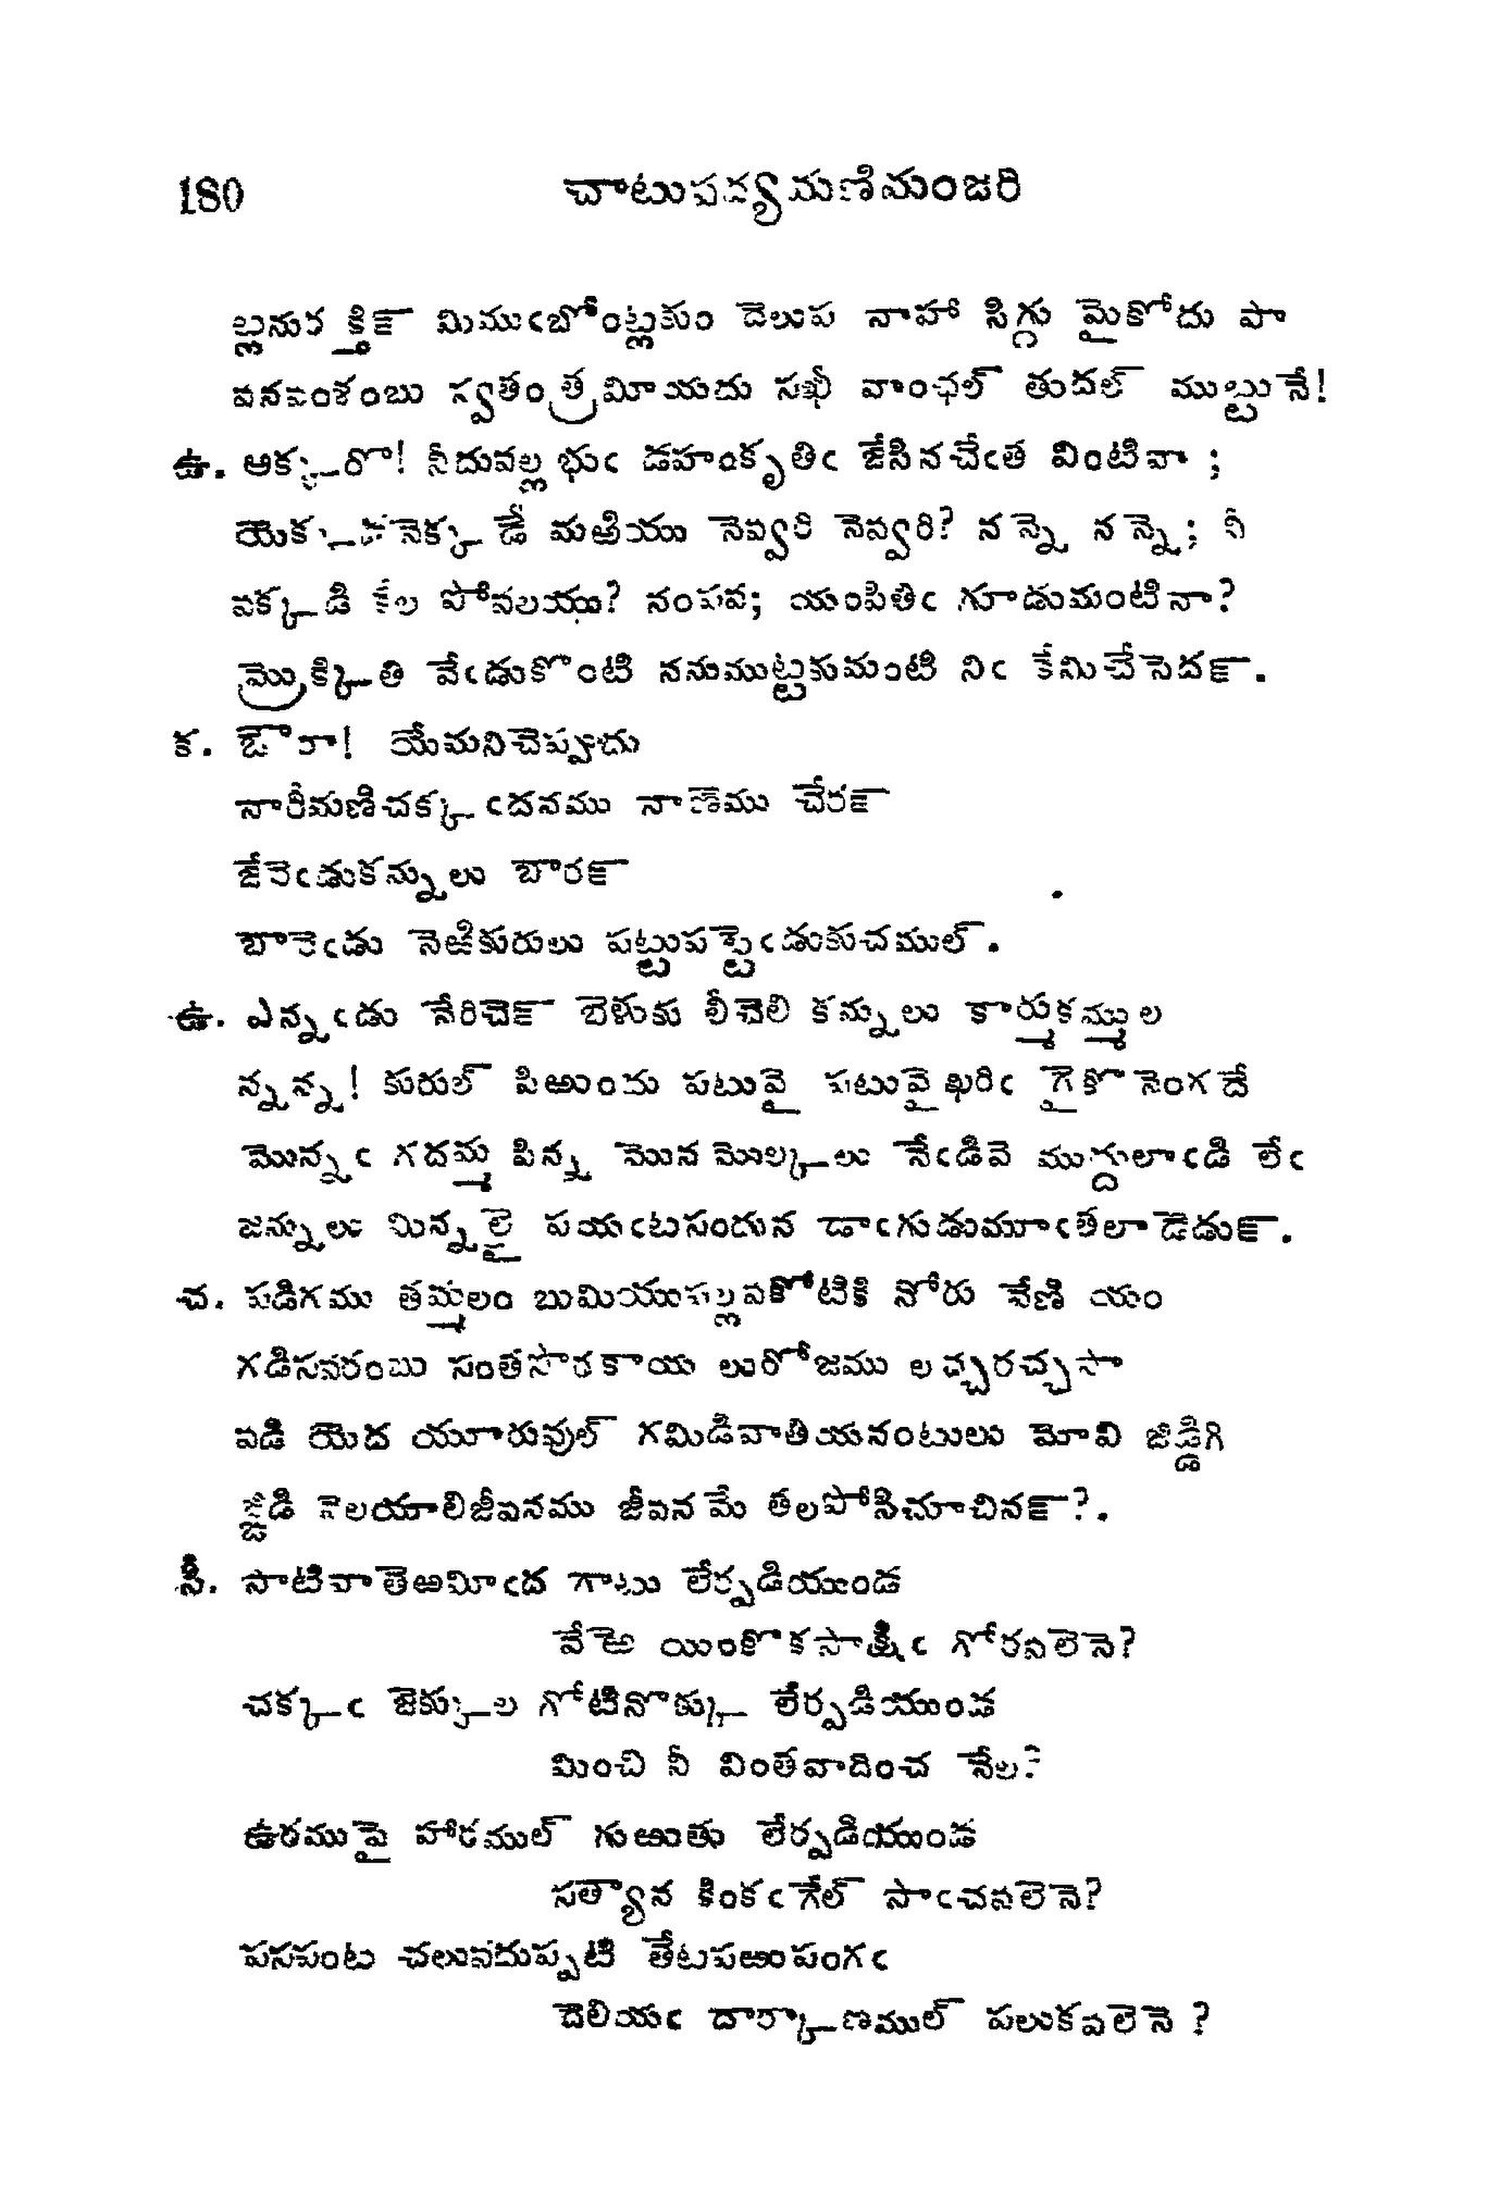ట్లనురక్తిన్ మిముఁబోంట్లకుం దెలుప నాహా సిగ్గు మైకోదు పా
 వనవంశంబు స్వతంత్రమీయదు సఖీవాంఛల్ తుదల్ ముట్టునే!
ఉ. అక్కరొ! నీదువల్లభుఁ డహంకృతిఁ జేసినచేఁత వింటివా;
 యెక్కడనెక్కడే మఱియు నెవ్వరి? నెవ్వరి? నన్నె నన్నె; నీ
 వక్కడి కేల పోవలయు? నంపవ; యంపితిఁ గూడుమంటినా?
 మ్రొక్కితి వేఁడుకొంటి నను ముట్టకు మంటి నిఁ కేమి చేసెదన్.
క. ఔరా! యేమని చెప్పుదు
 నారీమణిచక్కఁదనము నాణెము చేరన్
 జేరెఁడుకన్నులు బారన్
 బారెఁడు నెఱికురులు పట్టుపట్టెఁడు కుచముల్.
ఉ. ఎన్నఁడు నేరిచెన్ బెళుకు లీచెలి కన్నులు కార్ముకమ్ము ల
 న్నన్న! కురుల్ పిఱుందు పటువై పటువైఖరిఁ గైకొనెంగదే
 మొన్నఁ గదమ్మ పిన్న మొనమొల్కలు నేఁడివె ముద్దులాఁడి లేఁ
 జన్నులు మిన్నలై పయఁటసందున డాఁగుడుమూఁత లాడెడున్.
చ. పడిగము తమ్మలం బుమియు పల్లవకోటికి నోరు వేణి యం
 గడిసవరంబు సంతసొరకాయ లురోజము లచ్చరచ్చసా
 వడి యెద యూరువుల్ గమిడివాతయనంటులు మోవి జిడ్డిగి
 జ్జిడి వెలయాలిజీవనము జీవనమే తలపోసిచూచినన్?
సీ. సాటివాతెఱమీఁద గాటు లేర్పడియుండ
 వేఱె యింకొకసాక్షిఁ గోరవలెనె?
 చక్కఁ జెక్కుల గోటినొక్కు లేర్పడియుండ
 మించి నీ వింత వాదించనేల?
 ఉరముపై హారముల్ గుఱుతు లేర్పడియుండ
 సత్యాన కింకఁ గేలె సాఁచవలెనె?
 పసపంట చలువదుప్పటి తేటపఱుపంగఁ
 దెలియఁ దార్కాణముల్ పలుకవలెనె?